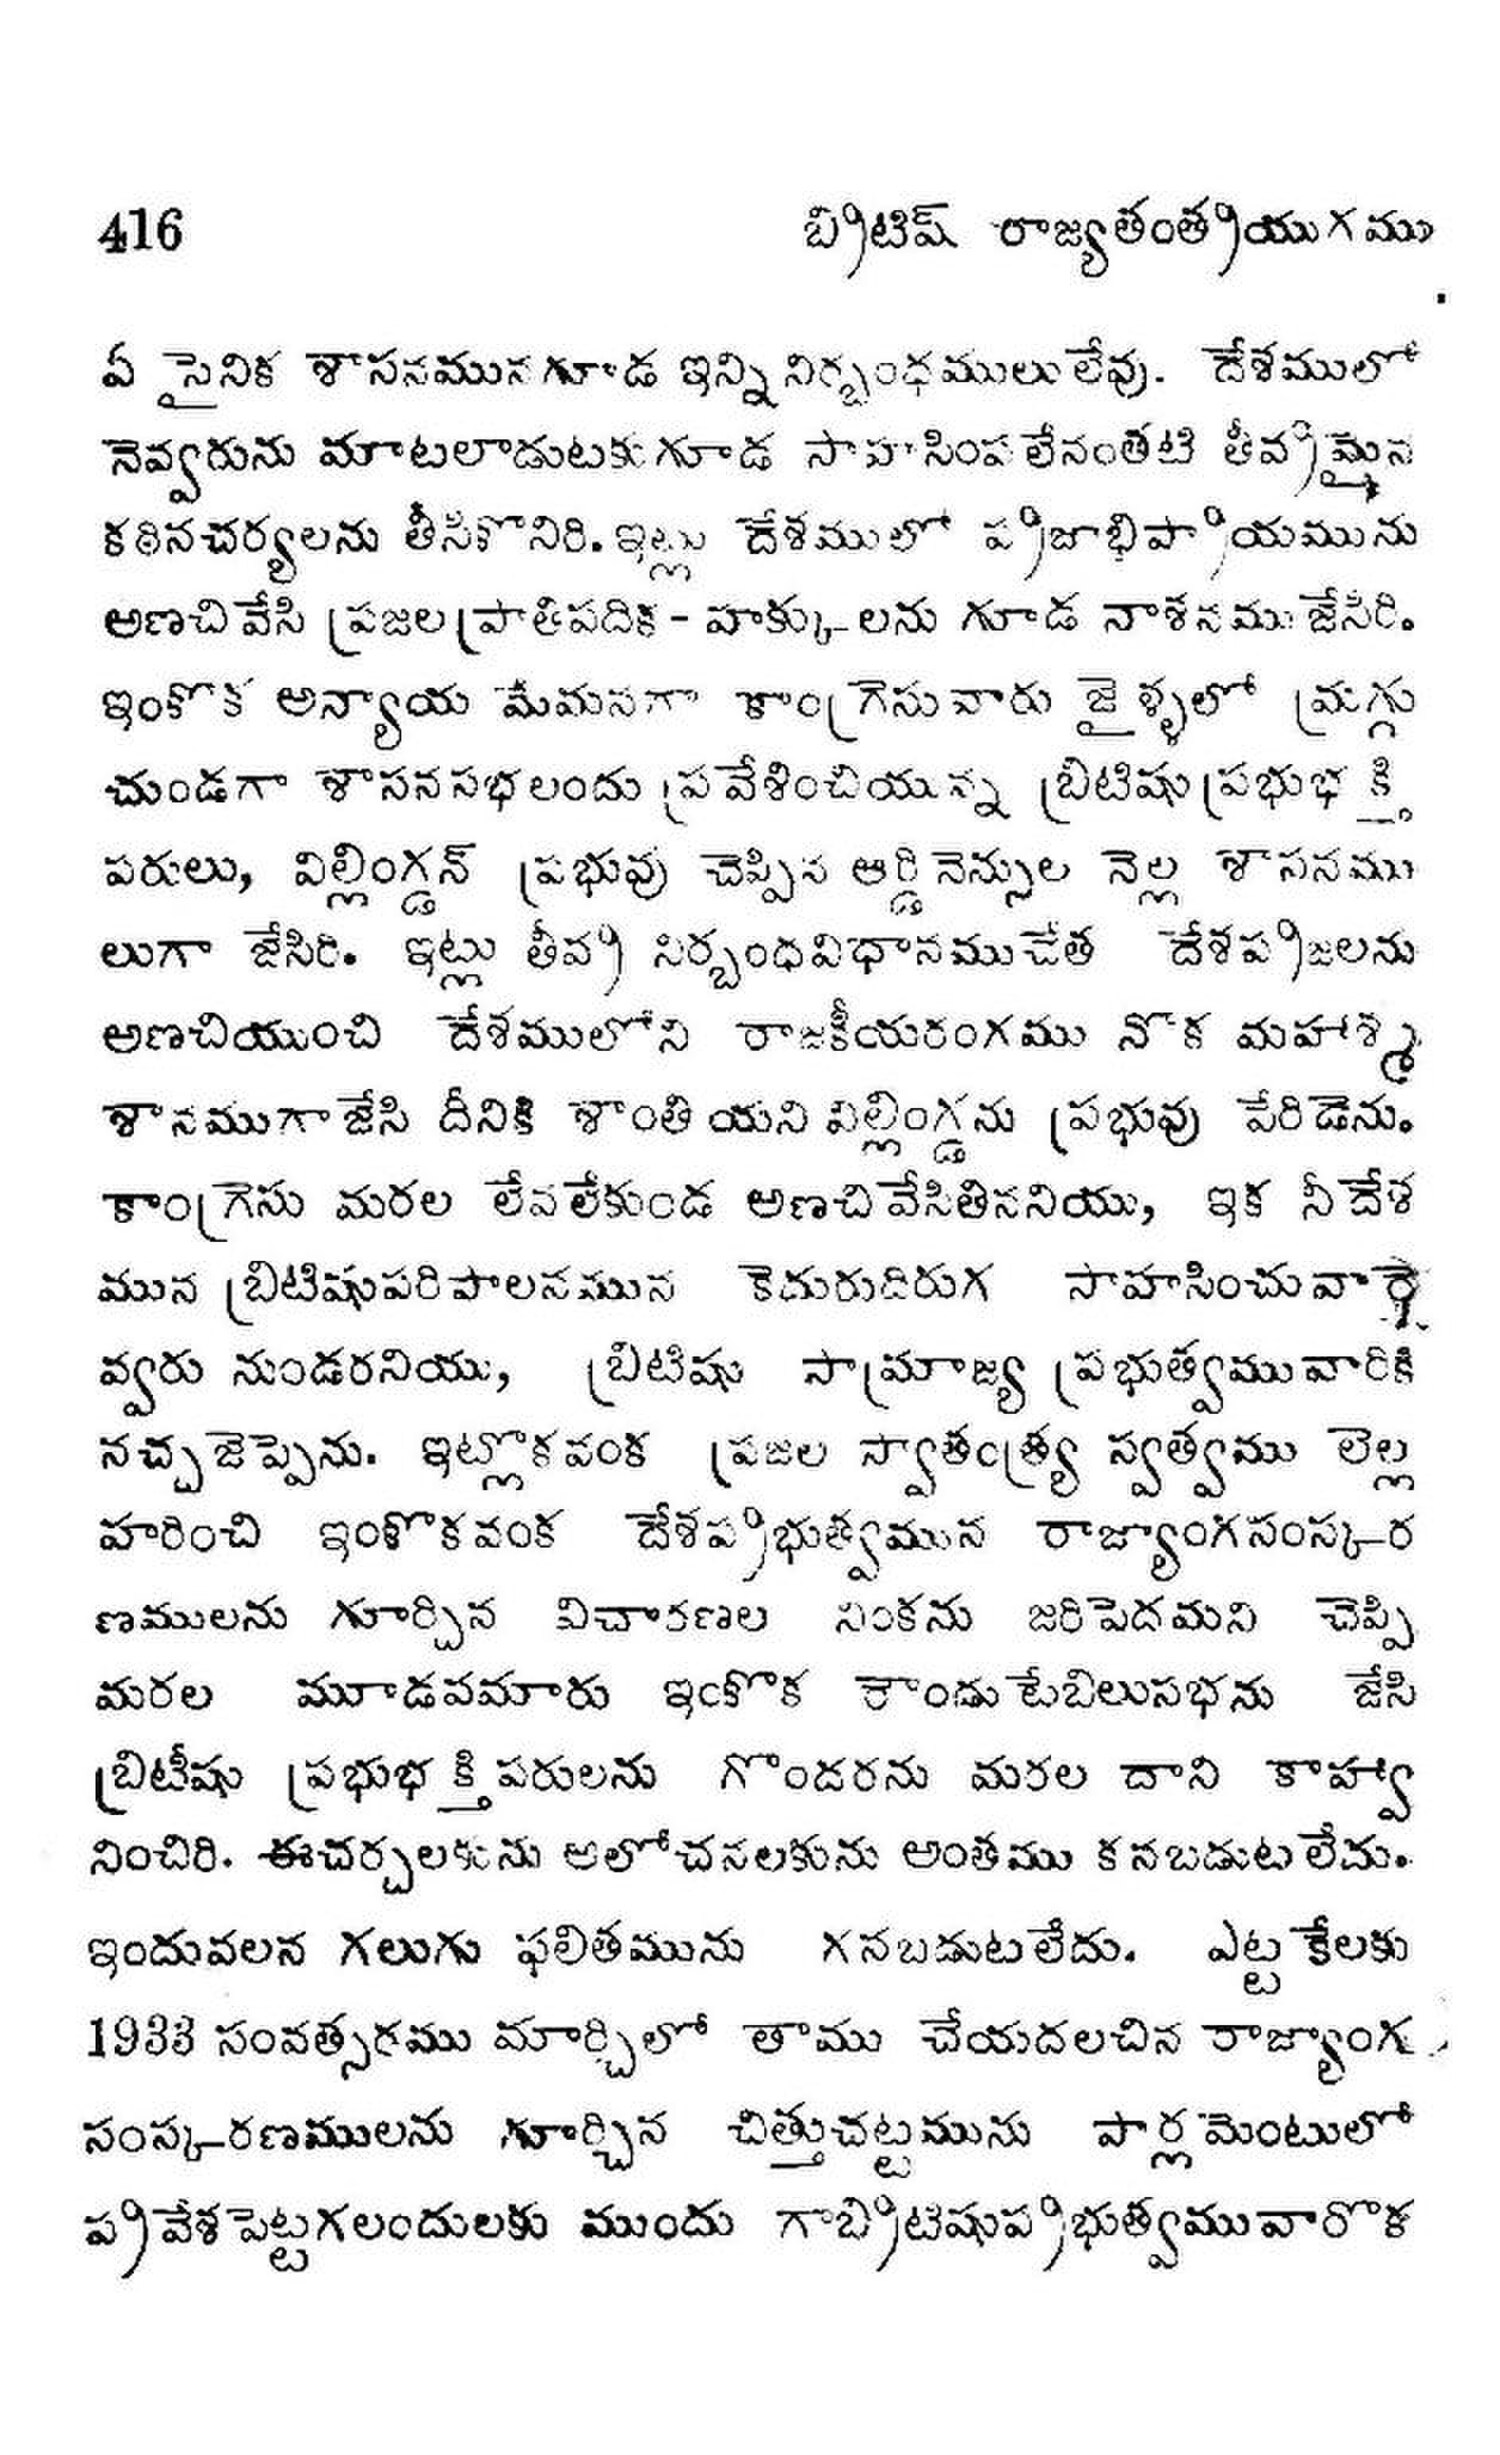ఏ సైనిక శాసనమునగూడ ఇన్ని నిర్బంధములులేవు. దేశములో నెవ్వరును మాటలాడుటకుగూడ సాహసింపలేనంతటి తీవ్రమైన కఠినచర్యలను తీసికొనిరి. ఇట్లు దేశములో ప్రజాభిప్రాయమును అణచివేసి ప్రజలప్రాతిపదిక - హక్కులను గూడ నాశనము జేసిరి. ఇంకొక అన్యాయ మేమసగా కాంగ్రెసునారు జైళ్ళలో మ్రగ్గుచుండగా శాసనసభలందు ప్రవేశించియున్న బ్రిటిషుప్రభుభక్తి పరులు, విల్లింగ్డన్ ప్రభువు చెప్పిన ఆర్డి నెన్సుల నెల్ల శాసనములుగా జేసిరి. ఇట్లు తీవ్ర నిర్బంధ విధానముచేత దేశప్రజలను అణచియుంచి దేశములోని రాజకీయరంగము నొక మహాశ్మశానముగాజేసి దీనికి శాంతి యని విల్లింగ్డను ప్రభువు పేరిడెను. కాంగ్రెసు మరల లేవలేకుండ అణచివేసితిననియు, ఇక నీదేశమున బ్రిటిషుపరిపాలనమున కెదురుదిరుగ సాహసించువారెవ్వరు నుండరనియు, బ్రిటిషు సామ్రాజ్య ప్రభుత్వమువారికి నచ్చజెప్పెను. ఇట్లొకవంక ప్రజల స్వాతంత్ర్య స్వత్వము లెల్ల హరించి ఇంకొకవంక దేశప్రభుత్వమున రాజ్యాంగ సంస్కరణములను గూర్చిన విచారణల నింకను జరిపెదమని చెప్పి మరల మూడవమారు ఇంకొక రౌండుటేబిలుసభను జేసి బ్రిటీషు ప్రభుభక్తిపరులను గొందరను మరల దాని కాహ్వానించిరి. ఈ చర్చలకును ఆలోచనలకును అంతము కనబడుటలేదు. ఇందువలన గలుగు ఫలితమును గనబడుటలేదు. ఎట్టకేలకు 1933 సంవత్సరము మార్చిలో తాము చేయదలచిన రాజ్యాంగ సంస్కరణములను గూర్చిన చిత్తుచట్టమును పార్లమెంటులో ప్రవేశపెట్టగలందులకు ముందు గాబ్రిటిషుప్రభుత్వమువారొక